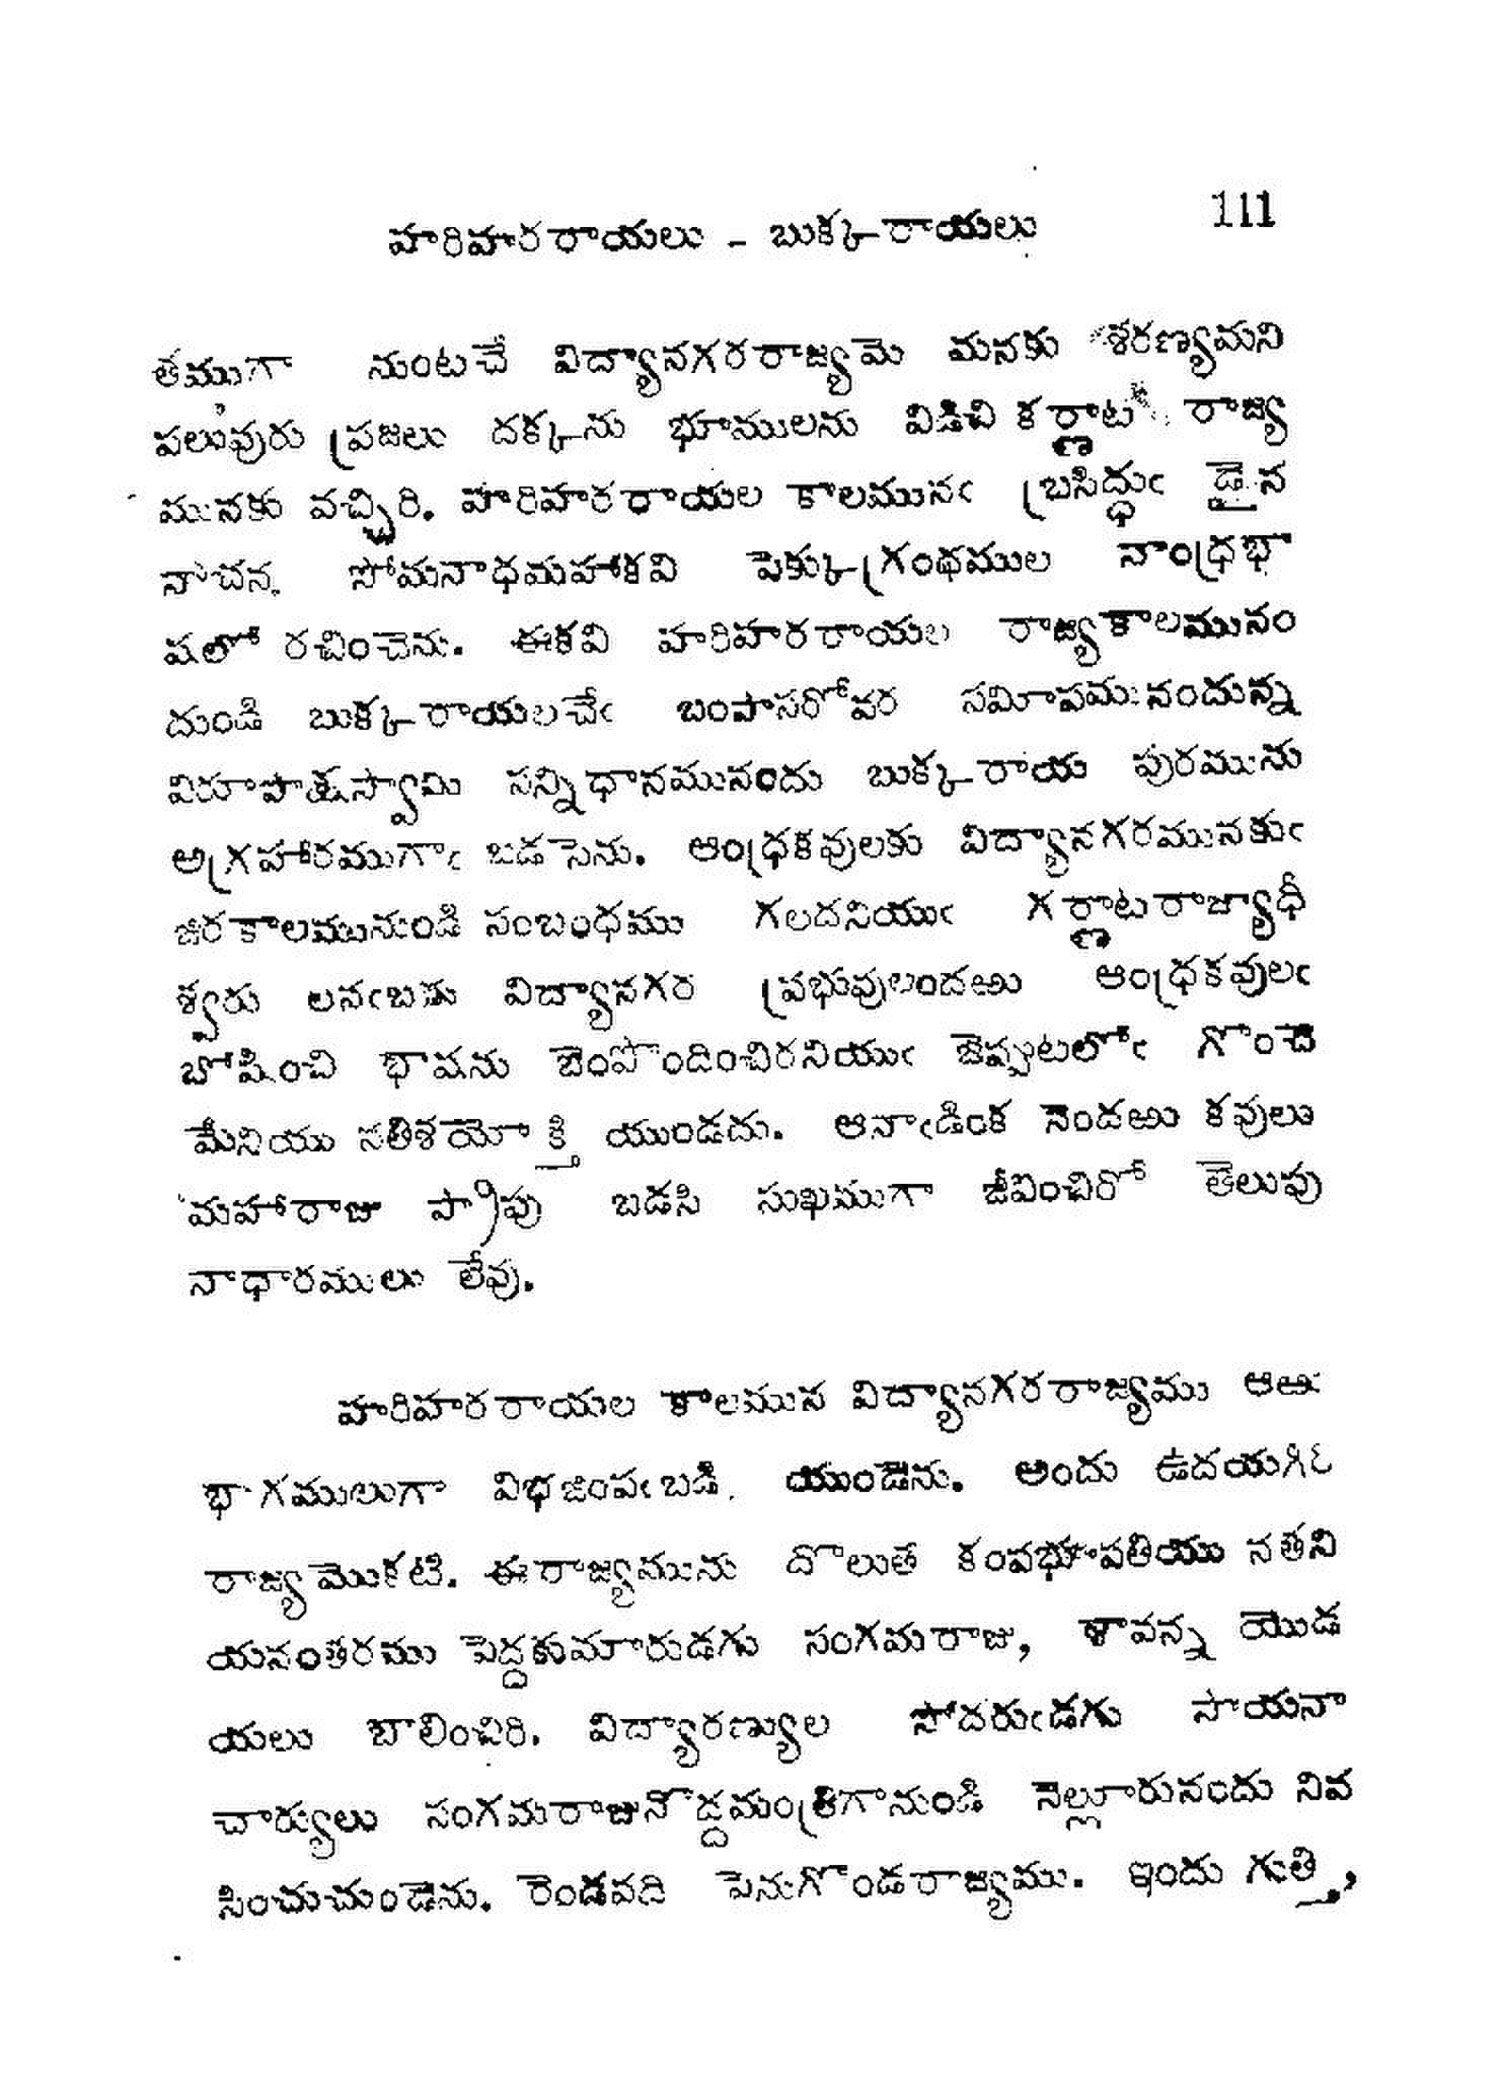తముగా నుంటచే విద్యానగరరాజ్యమె మనకు శరణ్యమని పలువురు ప్రజలు దక్కను భూములను విడిచి కర్ణాట రాజ్యమునకు వచ్చిరి. హరిహరరాయల కాలమున బ్రసిద్దు డైన నాచన సోమనాధమహాకవి పెక్కుగ్రంథముల నాంధ్రభాషలో రచించెను. ఈకవి హరిహరరాయల రాజ్యకాలమునం దుండి బుక్కరాయలచే బంపాసరోవర సమీపమునందున్న విరూపాక్షస్వామి సన్నిధానమునందు బుక్కరాయ పురమును అగ్రహారముగా బడసెను. ఆంధ్రకవులకు విద్యానగరమునకు జిరకాలమునుండి సంబంధము గలదనియు గర్ణాటరాజ్యాధీశ్వరు లనబడు విద్యానగర ప్రభువులందఱు ఆంధ్రకవుల బోషించి భాషను బెంపొందించిరనియు జెప్పుటలో గొంచెమేనియు నతశయోక్తి యుండదు. ఆనా డింక నెందఱు కవులు మహారాజు ప్రాపు బడసి సుఖముగా జీవించిరో తెలుపు నాధారములు లేవు.

హరిహరరాయల కాలమున విద్యానగరరాజ్యము ఆఱు భాగములుగా విభజింపబడి యుండెను. అందు ఉదయగిరి రాజ్యమొకటి. ఈరాజ్యమును దొలుత కంపభూపతియు నతని యనంతరము పెద్దకుమారుడగు సంగమరాజు, శావన్న యొడయలు బాలించిరి. విద్యారణ్యుల సోదరుడగు సాయనాచార్యులు సంగమరాజునొద్దమంత్రిగానుండి నెల్లూరునందు నివసించుచుండెను. రెండవది పెనుగొండరాజ్యము. ఇందు గుత్తి,